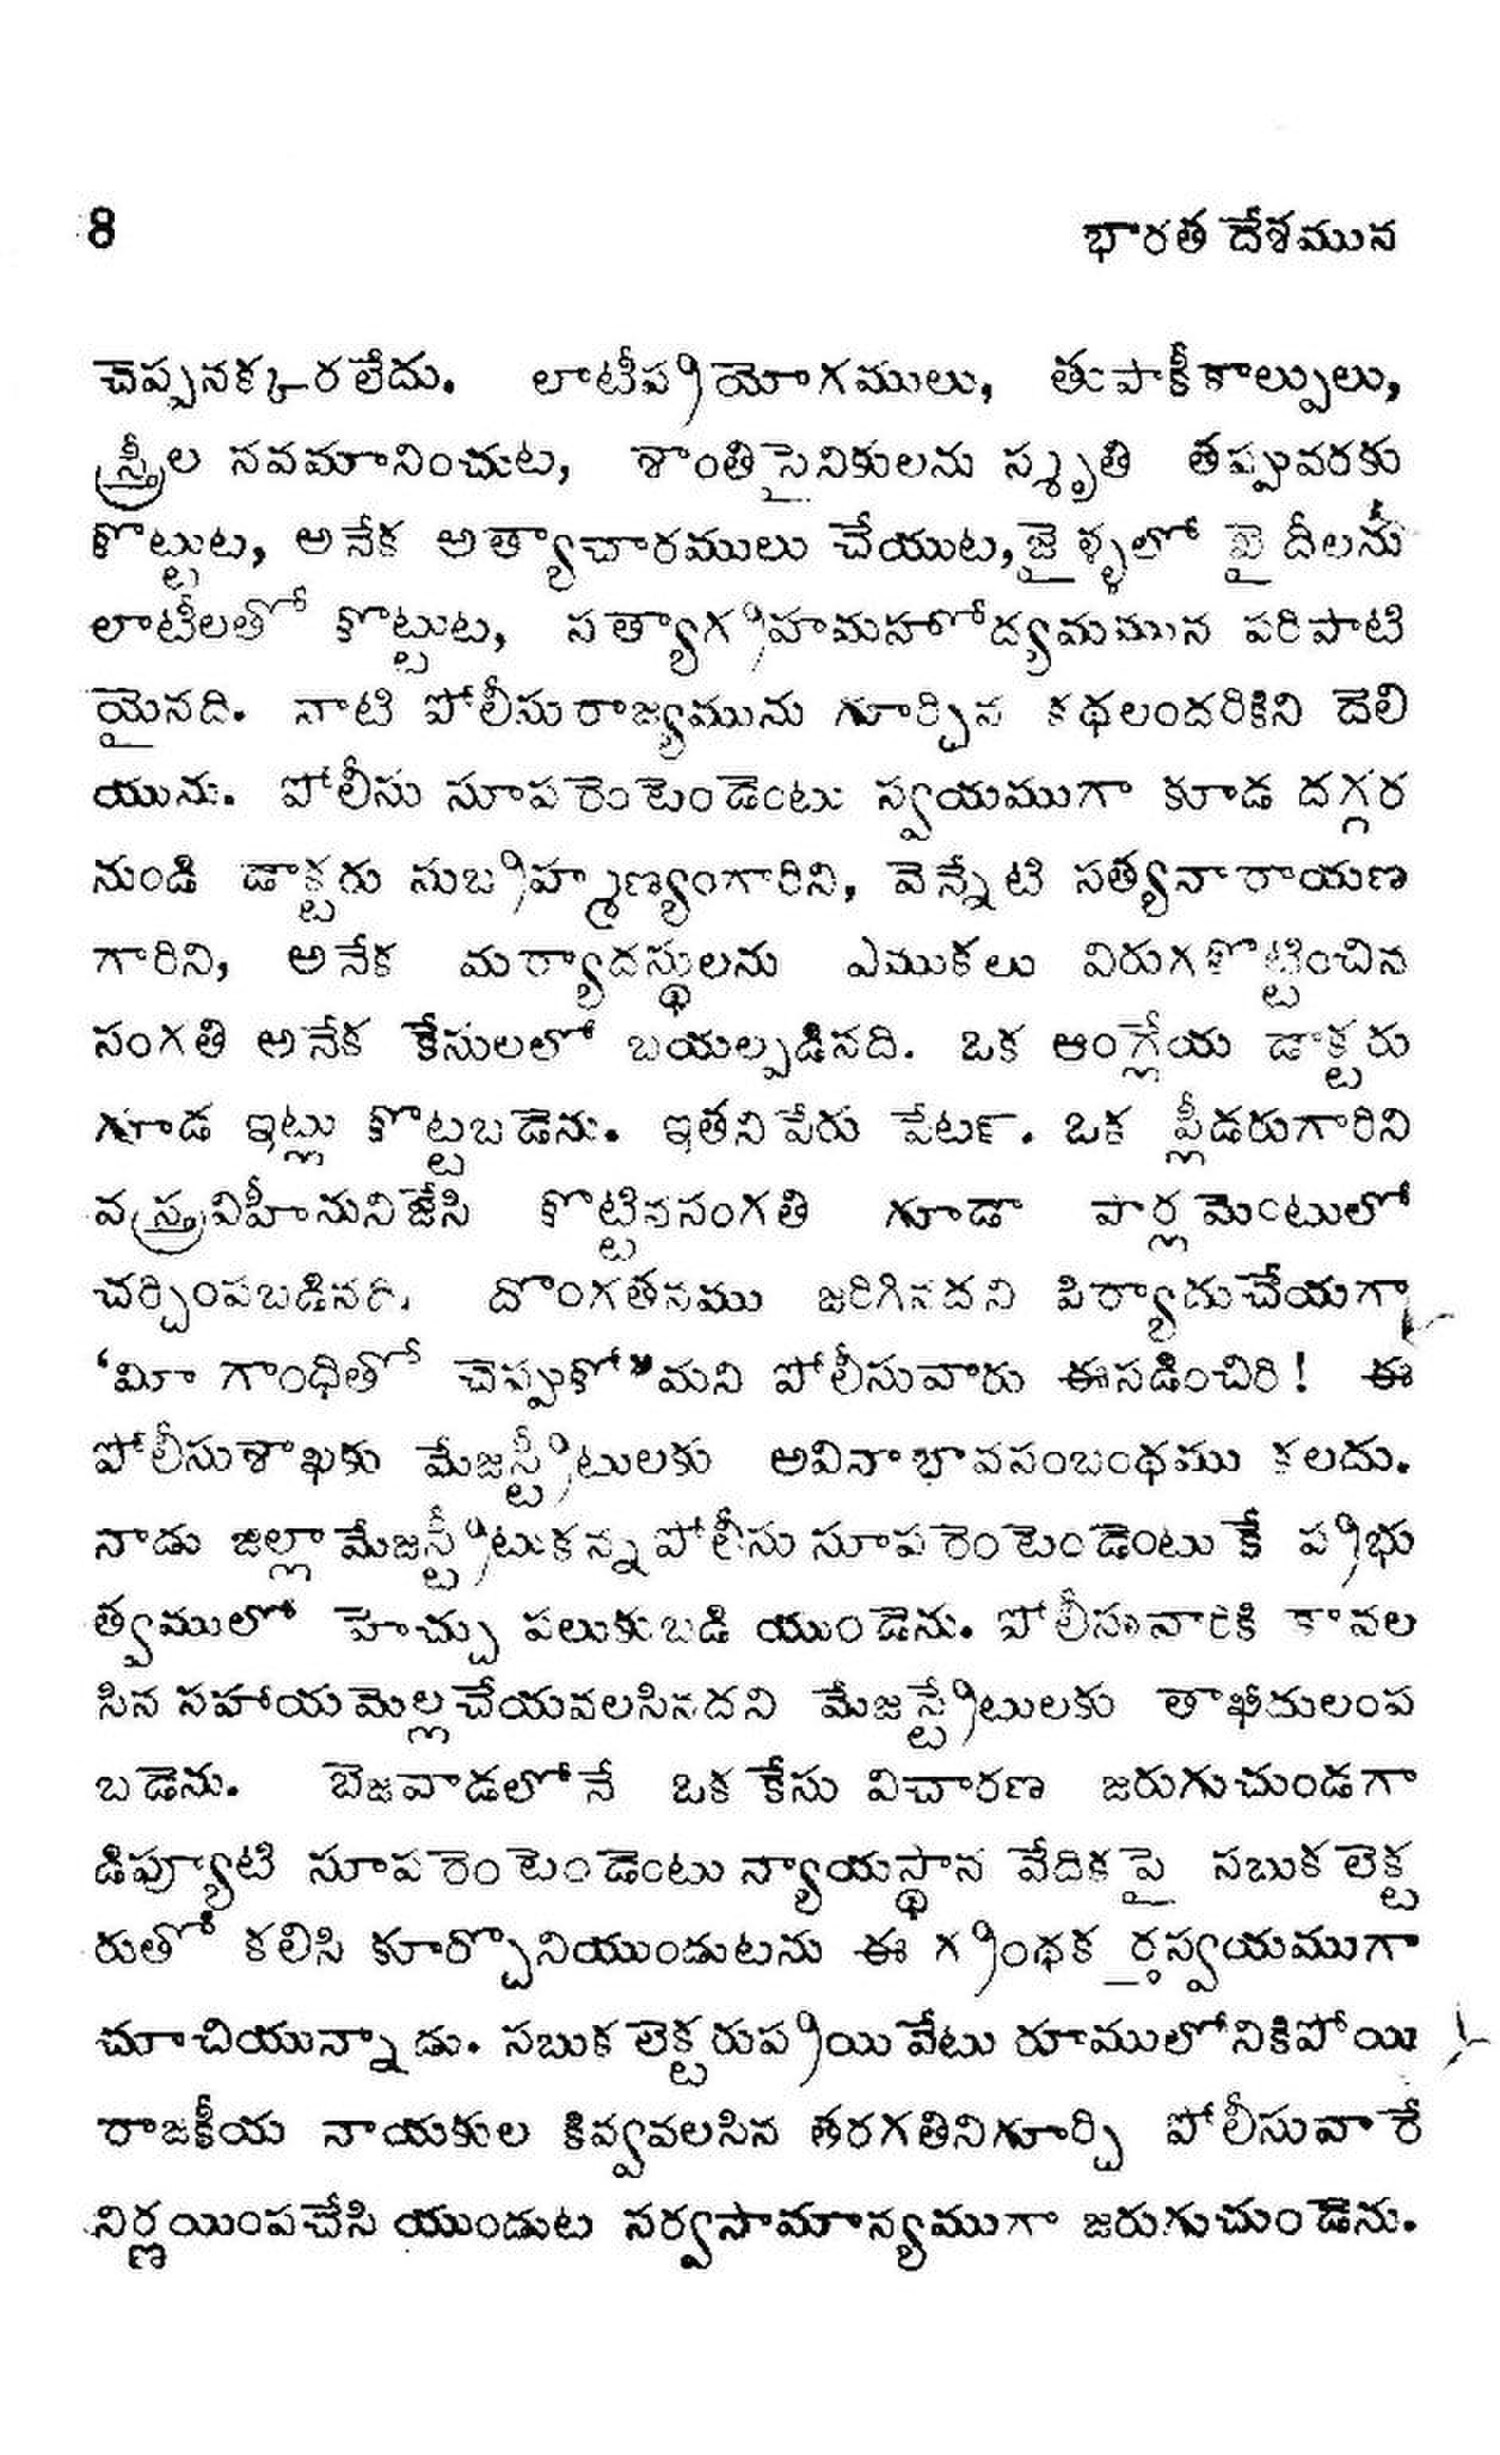చెప్పనక్కరలేదు. లాటీప్రయోగములు, తుపాకీకాల్పులు, స్త్రీల నవమానించుట, శాంతిసైనికులను స్మృతి తప్పువరకు కొట్టుట, అనేక అత్యాచారములు చేయుట, జైళ్ళలో ఖైదీలను లాటీలతో కొట్టుట, సత్యాగ్రహమహోద్యమమున పరిపాటియైనది. నాటి పోలీసు రాజ్యమును గూర్చిన కథలందరికిని దెలియును. పోలీసు సూపరెంటెండెంటు స్వయముగా కూడ దగ్గరనుండి డాక్టరు సుబ్రహ్మణ్యంగారిని, వెన్నేటి సత్యనారాయణగారిని, అనేక మర్యాదస్థులను ఎముకలు విరుగకొట్టించిన సంగతి అనేక కేసులలో బయల్పడినది. ఒక ఆంగ్లేయ డాక్టరుగూడ ఇట్లు కొట్టబడెను. ఇతని పేరు పేట౯. ఒక ప్లీడరుగారిని వస్త్రవిహీనునిజేసి కొట్టినసంగతి గూడా పార్లమెంటులో చర్చింపబడినది. దొంగతనము జరిగినదని పిర్యాదుచేయగా "మీ గాంధితో చెప్పుకో" మని పోలీసువారు ఈసడించిరి ! ఈ పోలీసుశాఖకు మేజస్ట్రీటులకు అవినాభావసంబంధము కలదు. నాడు జిల్లా మేజస్ట్రీటుకన్న పోలీసుసూపరెంటెండెంటుకే ప్రభుత్వములో హెచ్చు పలుకుబడి యుండెను. పోలీసువారికి కావలసిన సహాయమెల్ల చేయవలసినదని మేజస్ట్రేటులకు తాఖీదులంపబడెను. బెజవాడలోనే ఒక కేసు విచారణ జరుగుచుండగా డిప్యూటి సూపరెంటెండెంటు న్యాయస్థాన వేదికపై సబుకలెక్టరుతో కలిసి కూర్చొనియుండుటను ఈ గ్రంథకర్తస్వయముగా చూచియున్నాడు. సబుకలెక్టరుప్రయివేటు రూములోనికిపోయి రాజకీయ నాయకుల కివ్వవలసిన తరగతినిగూర్చి పోలీసువారే నిర్ణయింపచేసి యుండుట సర్వసామాన్యముగా జరుగుచుండెను.